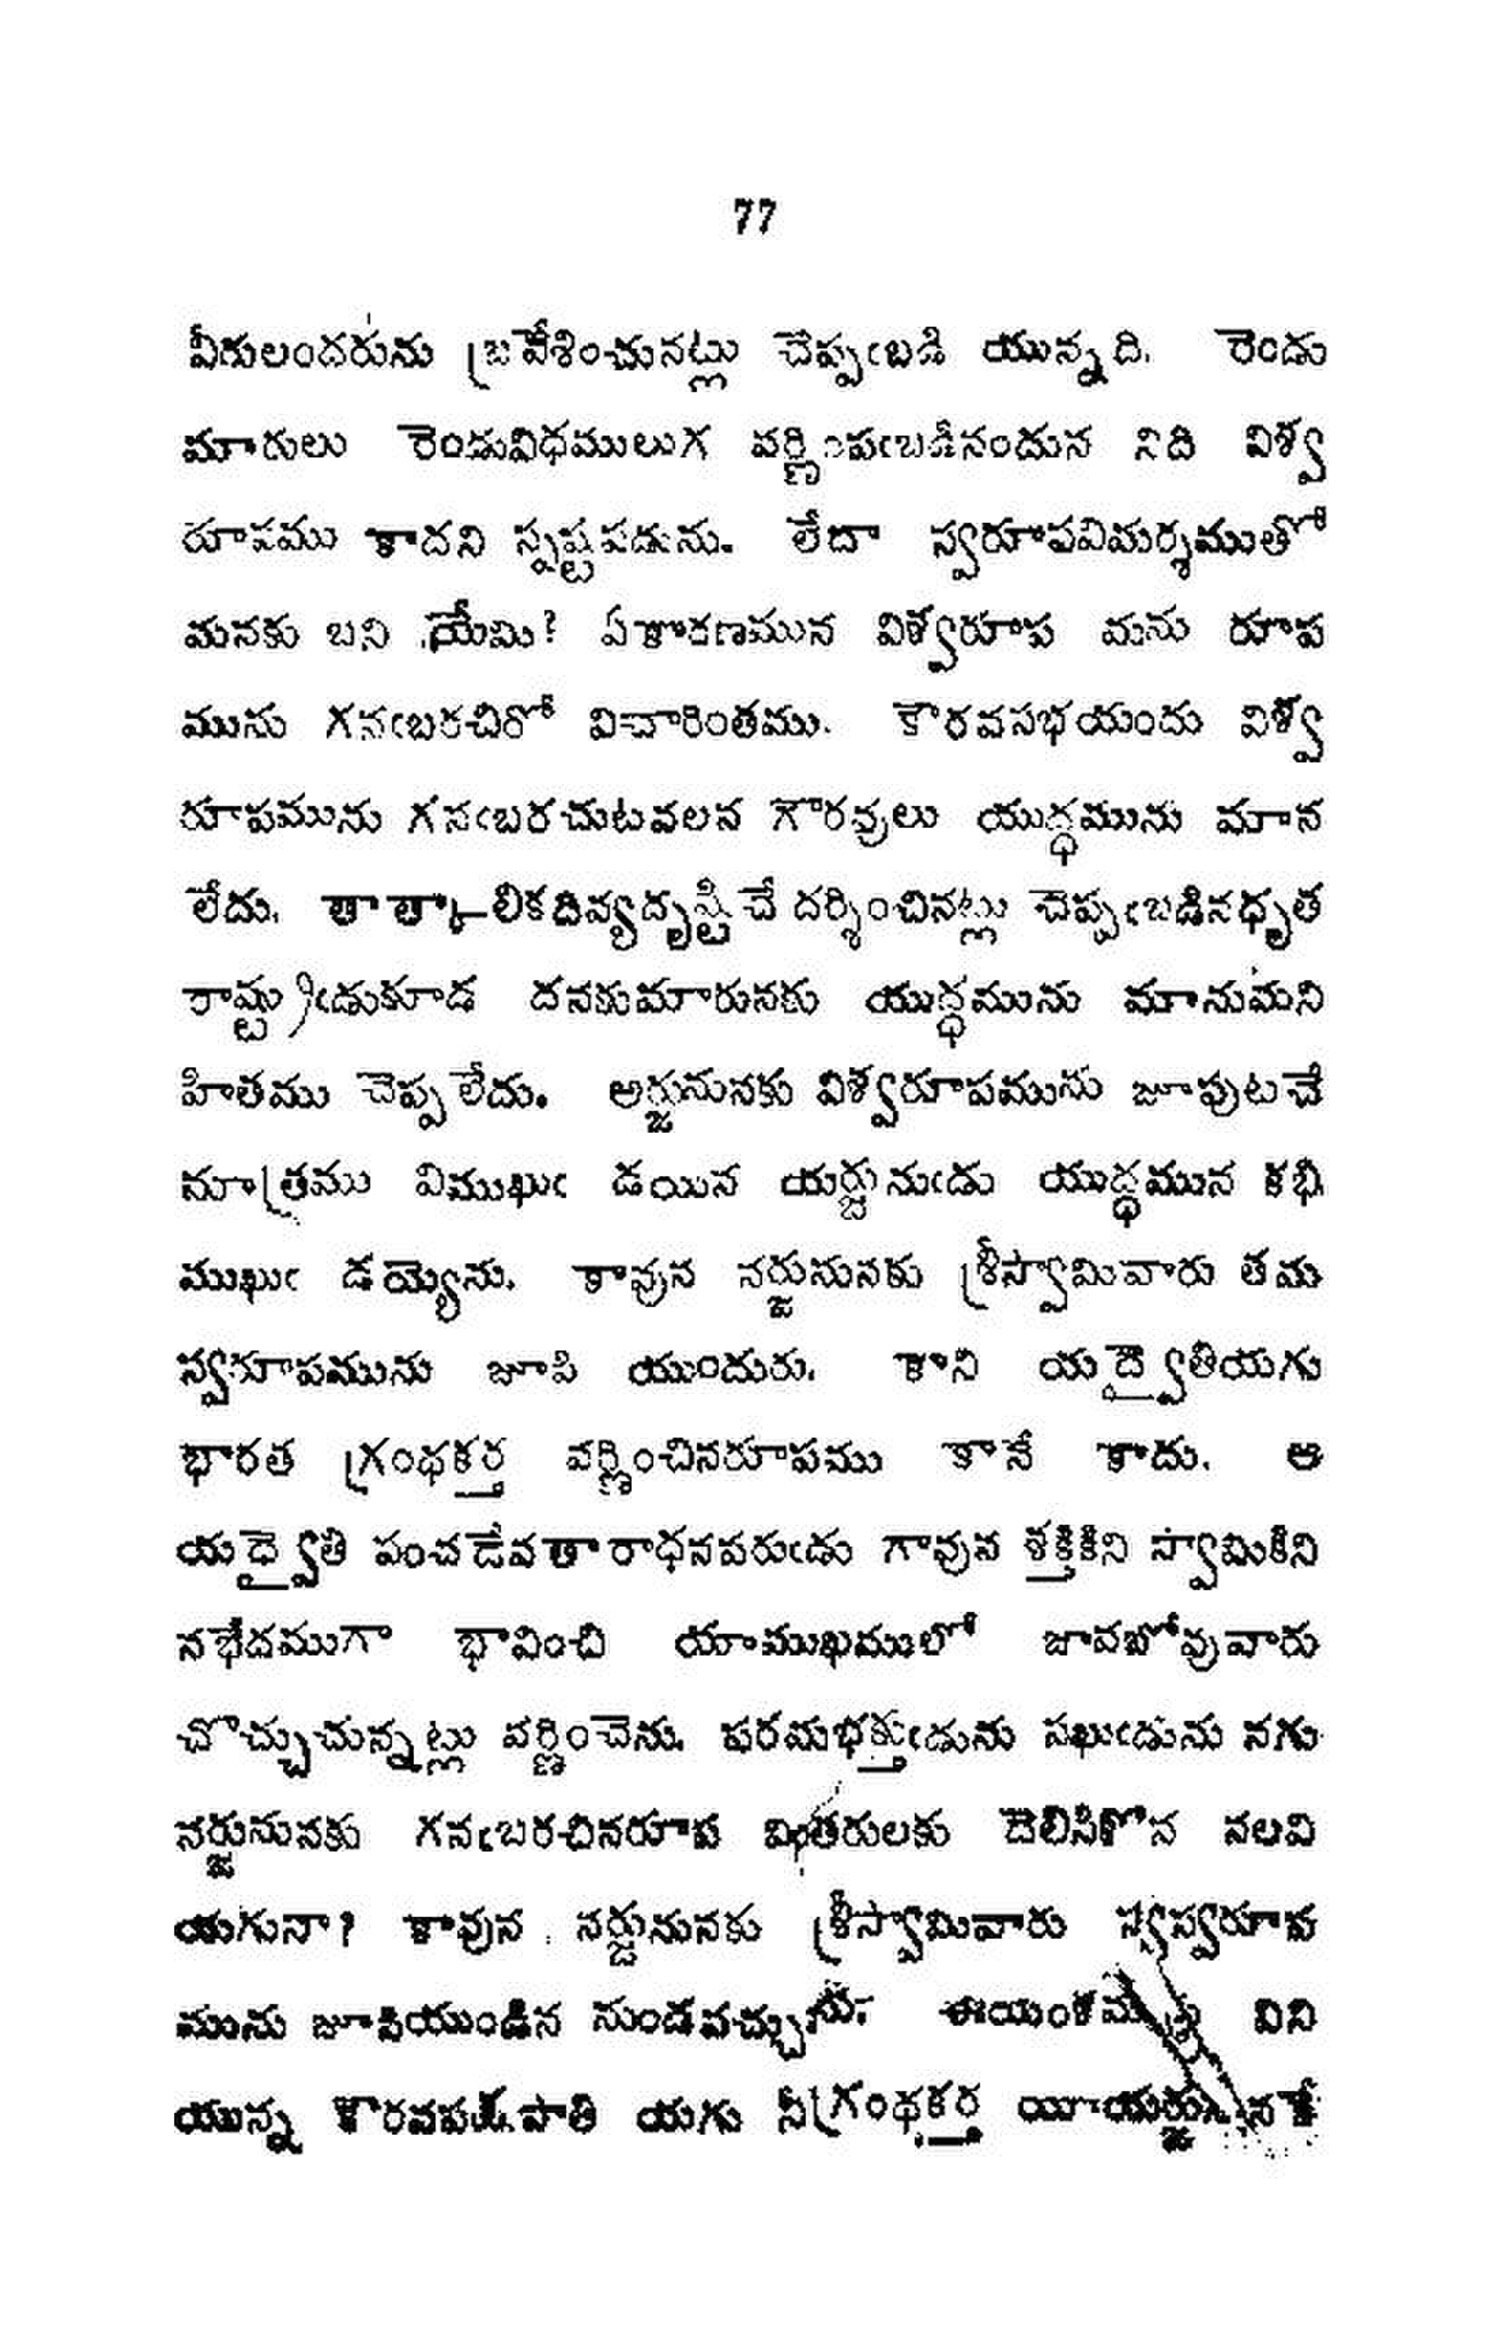వీరులందరును ప్రవేశించునట్లు చెప్పఁబడి యున్నది. రెండుమారులు రెండువిధములుగ వర్ణింపఁబడినందున నిది విశ్వరూపము కాదని స్పష్టపడును. లేదా స్వరూపవిమర్శముతో మనకు బని యేమి ? ఏకారణమున విశ్వరూప మను రూపమును గనఁబరచిరో విచారింతము. కౌరవసభయందు విశ్వరూపమును గనఁబరచుటవలన గౌరవులు యుద్ధమును మానలేదు. తాత్కాలికదివ్యదృష్టిచే దర్శించినట్లు చెప్పఁబడినధృతరాష్ట్రుడుకూడ దనకుమారునకు యుద్ధమును మానుమని హితము చెప్పలేదు. అర్జునునకు విశ్వరూపమును జూపుటచే మాత్రము విముఖుఁ డయిన యర్జునుఁడు యుద్ధమున కభిముఖుఁ డయ్యెను. కావున నర్జునునకు శ్రీస్వామివారు తమ
స్వరూపమును జూపి యుందురు. కాని యద్వైతియగు భారత గ్రంథకర్త వర్ణించిన రూపము కానే కాదు. యద్వైతి పంచదేవతారాధనపరుఁడు గావున శక్తికిని స్వామికిని నభేదముగా భావించి యాముఖములో జాపబోవువారు చొచ్చుచున్నట్లు వర్ణించెను. పరమభక్తుఁడును సఖుఁడును నగు
సర్జునునకు గనఁబరచినరూప మితరులకు దెలిసికొన నలవి యగునా? కావున నర్జునునకు శ్రీస్వామివారు స్వస్వరూపమును జూపియుండిన నుండవచ్చును. ఈయంశము వినియున్న కౌరవపక్షపాతి యగు నీగ్రంథకర్త యీయర్జునునకే